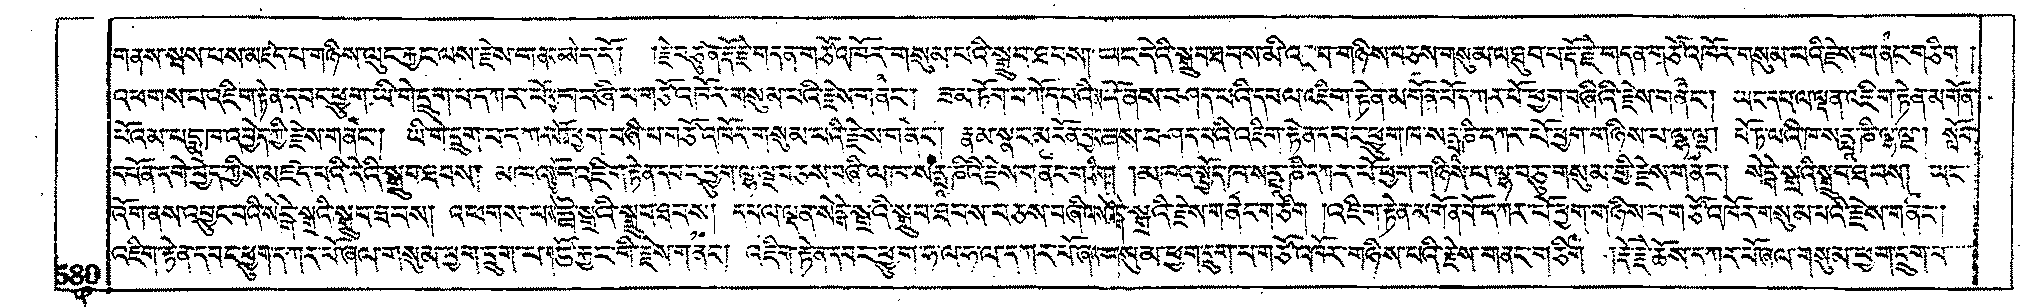གནས་སྦས་པས་མཛད་པ་གཉིས་ལུང་རྐྱང་ལས་རྗེས་གནང་མེད་དོ། །རྗེ་བཙུན་རྡོ་རྗེ་གདན་གཙོ་འཁོར་གསུམ་པའི་སྒྲུབ་ཐབས། ཡང་དེའི་སྒྲུབ་ཐབས་མི་འགྲ་བ་གཉིས་བཅས་གསུམ་ལ་ཐུབ་པ་རྡོ་རྗེ་གདན་གཙོ་འཁོར་གསུམ་པའི་རྗེས་གནང་གཅིག །
འཕགས་པ་འཇིག་རྟེན་དབང་ཕྱུག་ཡི་གེ་དྲུག་པ་དཀར་པོ་ཕྱག་བཞི་པ་གཙོ་འཁོར་གསུམ་པའི་རྗེས་གནང་། ཟ་མ་ཏོག་བཀོད་པའི་མདོ་ནས་བཤད་པའི་དཔལ་འཇིག་རྟེན་མགོན་པོ་དཀར་པོ་ཕྱག་བཞིའི་རྗེས་གནང་། ཡང་དཔལ་ལྡན་འཇིག་རྟེན་མགོན་
པོའམ་པདམ་ཁ་འབྱེད་ཀྱི་རྗེས་གནང་། ཡི་གེ་དྲུག་པ་དཀར་པོ་ཕྱག་བཞི་པ་གཙོ་འཁོར་གསུམ་པའི་རྗེས་གནང་། རྣམ་སྣང་མངོན་བྱང་ནས་བཤད་པའི་འཇིག་རྟེན་དབང་ཕྱུག་ཁ་སརྡཱ་ཎི་དཀར་པོ་ཕྱག་གཉིས་པ་ལྷ་ལྔ། པོ་ཏ་ལའི་ཁ་སརྤཱ་ཎི་ལྷ་ལྔ། སློབ་
དཔོན་དགེ་བྱེད་ཀྱིས་མཛད་པའི་དེའི་སྒྲུབ་ཐབས། མཁའ་སྤྱོད་འཇིག་རྟེན་དབང་ཕྱུག་ལྷ་ལྔ་བཅས་བཞི་ལ་ཁ་སརྤཱ་ཎིའི་རྗེས་གནང་གཅིག །མཁའ་སྤྱོད་ཁ་སརྤཱ་ཎི་དཀར་པོ་ཕྱག་གཉིས་པ་ལྷ་བཅུ་གསུམ་གྱི་རྗེས་གནང་། སེངྒེ་སྒྲའི་སྒྲུབ་ཐབས། ཡང་
འོག་ནས་འབྱུང་བའི་སེངྒེ་སྒྲའི་སྒྲུབ་ཐབས། འཕགས་པ་སེངྒེ་སྒྲའི་སྒྲུབ་ཐབས། དཔལ་ལྡན་སེངྒེ་སྒྲའི་སྒྲུབ་ཐབས་བཅས་བཞི་ལ་སེངྒེ་སྒྲའི་རྗེས་གནང་གཅིག །འཇིག་རྟེན་མགོན་པོ་དཀར་པོ་ཕྱག་གཉིས་པ་གཙོ་འཁོར་གསུམ་པའི་རྗེས་གནང་།
འཇིག་རྟེན་དབང་ཕྱུག་དཀར་པོ་ཞལ་གསུམ་ཕྱག་དྲུག་པ་གཙོ་རྐྱང་གི་རྗེས་གནང་། འཇིག་རྟེན་དབང་ཕྱུག་ཧ་ལ་ཧ་ལ་དཀར་པོ་ཞལ་གསུམ་ཕྱག་དྲུག་པ་གཙོ་འཁོར་གཉིས་པའི་རྗེས་གནང་གཅིག །རྡོ་རྗེ་ཆོས་དཀར་པོ་ཞལ་གསུམ་ཕྱག་དྲུག་པ་